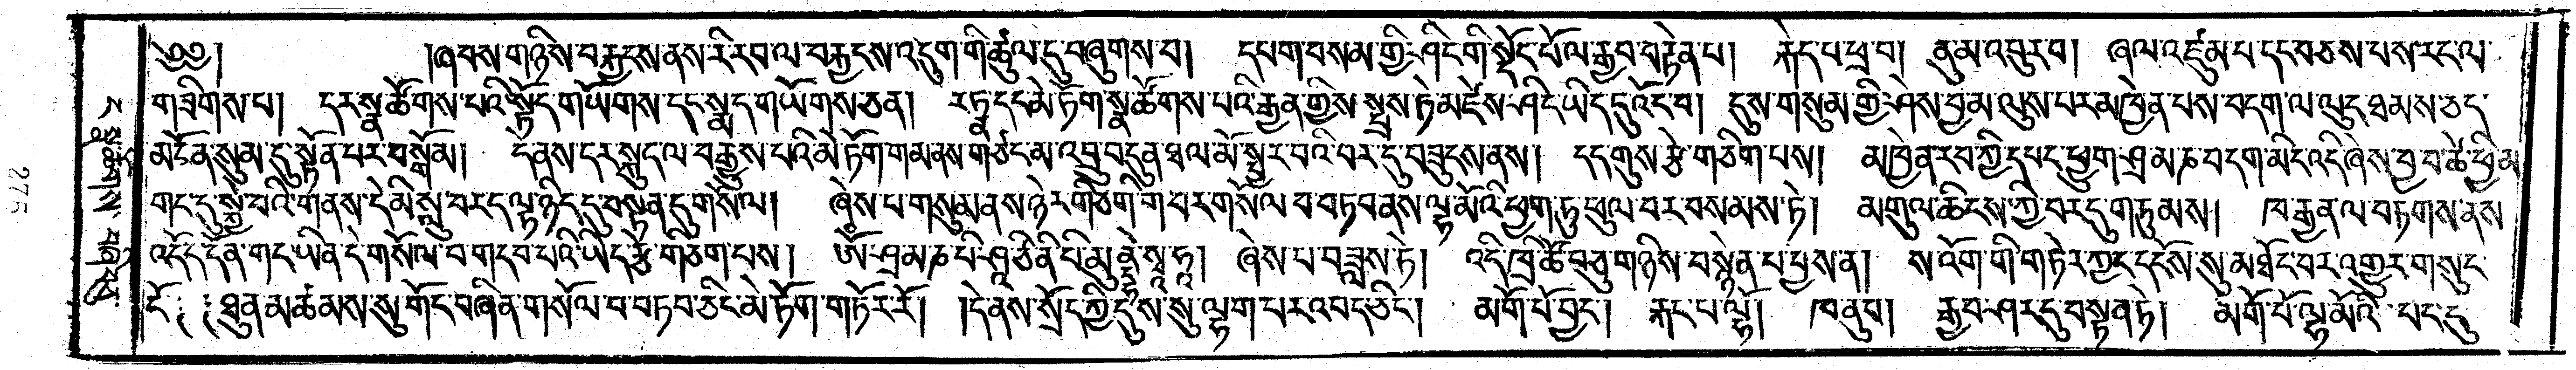༄༅། །ཞབས་གཉིས་བརྐྱངས་ནས་རི་རབ་ལ་བརྐྱངས་འདུག་གི་ཚུལ་དུ་བཞུགས་བ། དཔག་བསམ་གྱི་ཤིང་གི་སྡོང་པོ་ལ་རྒྱབ་བརྟེན་པ། རྐེད་པ་ཕྲ་བ། ནུ་མ་འབུར་བ། ཞལ་འཛུམ་པ་དང་བཅས་པས་རང་ལ་
གཟིགས་པ། དར་སྣ་ཚོགས་པའི་སྟོད་གཡོགས་དང་སྨད་གཡོགས་ཅན། རཏྣ་དང་མེ་ཏོག་སྣ་ཚོགས་པའི་རྒྱན་གྱིས་སྤྲས་ཏེ་མཛེས་ཤིང་ཡིད་དུ་འོད་བ། དུས་གསུམ་གྱི་ཤེས་བྱམ་ལུས་པར་མཁྱེན་པས་བདག་ལ་ལུང་ཐམས་ཅད་
མངོན་སུམ་དུ་སྟོན་པར་བསྒོམ། དེ་ནས་དར་སྐུད་ལ་བརྒྱུས་པའི་མེ་ཏོག་གམ་ནས་གཙང་མ་འབྲུ་བདུན་ཐལ་མོ་སྦྱར་བའི་བར་དུ་བཟུངས་ནས། དད་གུས་རྩེ་གཅིག་པས། མཁྱེན་རབ་ཀྱི་དབང་ཕྱུག་ཤྲ་མ་ཎ་བདག་མིང་འདི་ཞེས་བྱ་བ་ཚེ་ཕྱི་མ་
གང་དུ་སྐྱེ་བའི་གནས་དེ་མི་སླུ་བར་ད་ལྟ་ཉིད་དུ་བསྟན་དུ་གསོལ། ཞེས་པ་གསུམ་ནས་ཉེར་གཅིག་གི་བར་གསོལ་བ་བཏབ་ནས་ལྷ་མོའི་ཕྱག་ཏུ་ཕུལ་བར་བསམས་ཏེ། མགུལ་ཆིངས་ཀྱི་བར་དུ་གཏུམས། ཁ་རྒྱན་ལ་བཏགས་ནས་
འདོད་དོན་གང་ཡིན་དེ་གསོལ་བ་གདབ་པའི་ཡིད་རྩེ་གཅིག་པས། ཨོཾ་ཤྲ་མ་ཎ་པི་ཤཱ་ཙི་ནི་པི་མུནྡྷེ་སྭཱ་ཧཱ། ཞེས་པ་བཟླས་ཏེ། འདི་ཁྲི་ཚོ་བཅུ་གཉིས་བསྙེན་པ་བྱས་ན། ས་འོག་གི་གཏེར་ཀྱང་དངོས་སུ་མཐོང་བར་འགྱུར་གསུང་
ངོ༑ ༑ཐུན་མཚམས་སུ་གོང་བཞིན་གསོལ་བ་བཏབ་ཅིང་མེ་ཏོག་གཏོར་རོ། །དེ་ནས་སྲོད་ཀྱི་དུས་སུ་ལྷག་པར་འབད་ཅིང་། མགོ་པོ་བྱང་། རྐང་པ་ལྷོ། ཁ་ནུབ། རྒྱབ་ཤར་དུ་བསྟན་ཏེ། མགོ་པོ་ལྷ་མོའི་པད་དུ་